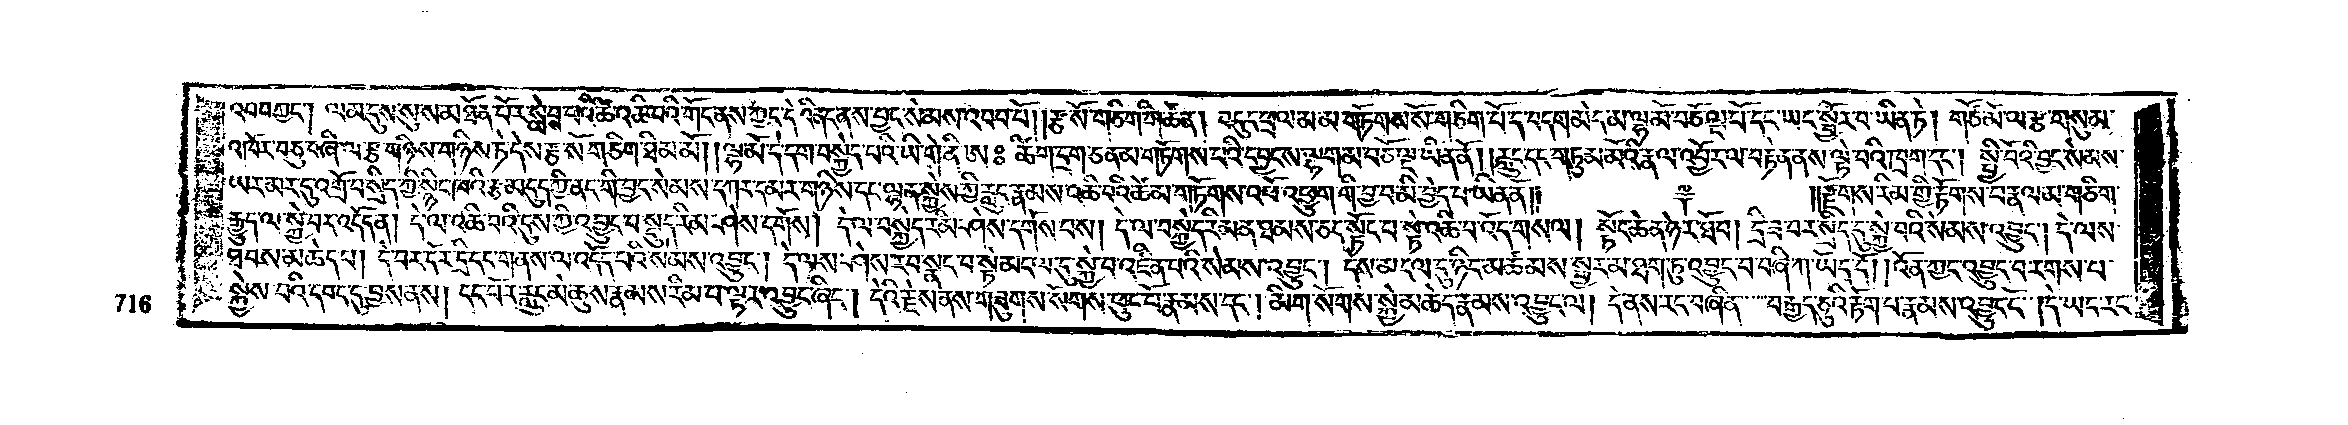འབབ་ཀྱང་། ལམ་དུས་སུ་ས་མཐོན་པོར་སླེབས་པའི་ཚེ་འཆི་བའི་གོང་ནས་ཀྱང་དེའི་ནང་ནས་བྱང་སེམས་འབབ་པོ། །རྩ་སོ་གཅིག་གི་ཚེ་ན། བདུད་ཕྲལ་མ་མ་གཏོགས་སོ་གཅིག་པོ་དེ་བདག་མེད་མ་ལྷ་མོ་བཅོ་ལྔ་པོ་དང་ཡང་སྦྱོར་བ་ཡིན་ཏེ། གཙོ་མོ་ལ་རྩ་གསུམ་
འཁོར་བཅུ་བཞི་ལ་རྩ་གཉིས་གཉིས་ཏེ་དེས་རྩ་སོ་གཅིག་ཐིམ་མོ། །ལྷ་མོ་དེ་དག་བསྐྱེད་པའི་ཡི་གེ་ནི་ཨཿ ཆོག་དྲག་ཅན་མ་གཏོགས་པའི་དབྱངས་ལྷག་མ་བཅོ་ལྔ་ཡིན་ནོ། །རླུང་དང་གཏུམ་མོའི་རྣལ་འབྱོར་ལ་བརྟེན་ནས་ལྟེ་བའི་ཁྲག་དང་། སྤྱི་བོའི་བྱང་སེམས་
ཡར་མར་དུ་འགྲོ་བ་སྲིད་ཀྱི་སྙིང་ཁའི་རྩ་མདུད་ཀྱི་ནང་གི་བྱང་སེམས་དཀར་དམར་གཉིས་དང་ལྷན་སྐྱེས་ཀྱི་རླུང་རྣམས་འཆི་བའི་ཚེ་མ་གཏོགས་འཕོ་འཕྱུག་གི་བྱ་བ་མི་བྱེད་པ་ཡིན་ནོ།། ༈ །།རྫོགས་རིམ་གྱི་རྟོགས་པ་རྣལ་མ་གཅིག་
རྒྱུད་ལ་སྐྱེ་བར་འདོད་ན། དེ་ལ་འཆི་བའི་དུས་ཀྱི་འབྱུང་བ་སྡུད་རིམ་ཤེས་དགོས། དེ་ལ་བསྐྱེད་རིམ་ཤེས་དགོས་པས། དེ་ལ་བསྐྱེད་རིམ་ནི་ཐམས་ཅད་སྟོང་པ་སྟེ་འཆི་བ་འོད་གསལ། སྟོང་ཆེན་ཉེར་ཐོབ། དྲི་ཟ་བར་སྲིད་དུ་སྐྱེ་བའི་སེམས་འབྱུང་། དེ་ལས་
ཐབས་མཆེད་པ། དེ་བར་དོར་དྲི་དང་གནས་ལ་འདོད་པའི་སེམས་འབྱུང་། དེ་ལས་ཤེས་རབ་སྣང་བ་སྟེ་མངལ་དུ་སྐྱེ་བ་འཛིན་པའི་སེམས་འབྱུང་། དེས་མངལ་དུ་ཉིད་མཚམས་སྦྱར་མ་ཐག་ཏུ་འབྱུང་བ་བཞི་ཀ་ཡོད་དེ། །འོན་ཀྱང་འབྱུང་བ་རགས་པ་
སྐྱེས་པའི་དབང་དུ་བྱས་ནས། དང་པོར་རླུང་མེ་ཆུས་རྣམས་རིམ་པ་ལྟར་འབྱུང་ཞིང་། དེའི་རྗེས་ནས་གཟུགས་སོགས་ཕུང་པོ་རྣམས་དང་། མིག་སོགས་སྐྱེ་མཆེད་རྣམས་འབྱུང་ལ། དེ་ནས་རང་བཞིན་བརྒྱད་ཅུའི་རྟོག་པ་རྣམས་འབྱུང་ངོ། དེ་ཡང་རང་